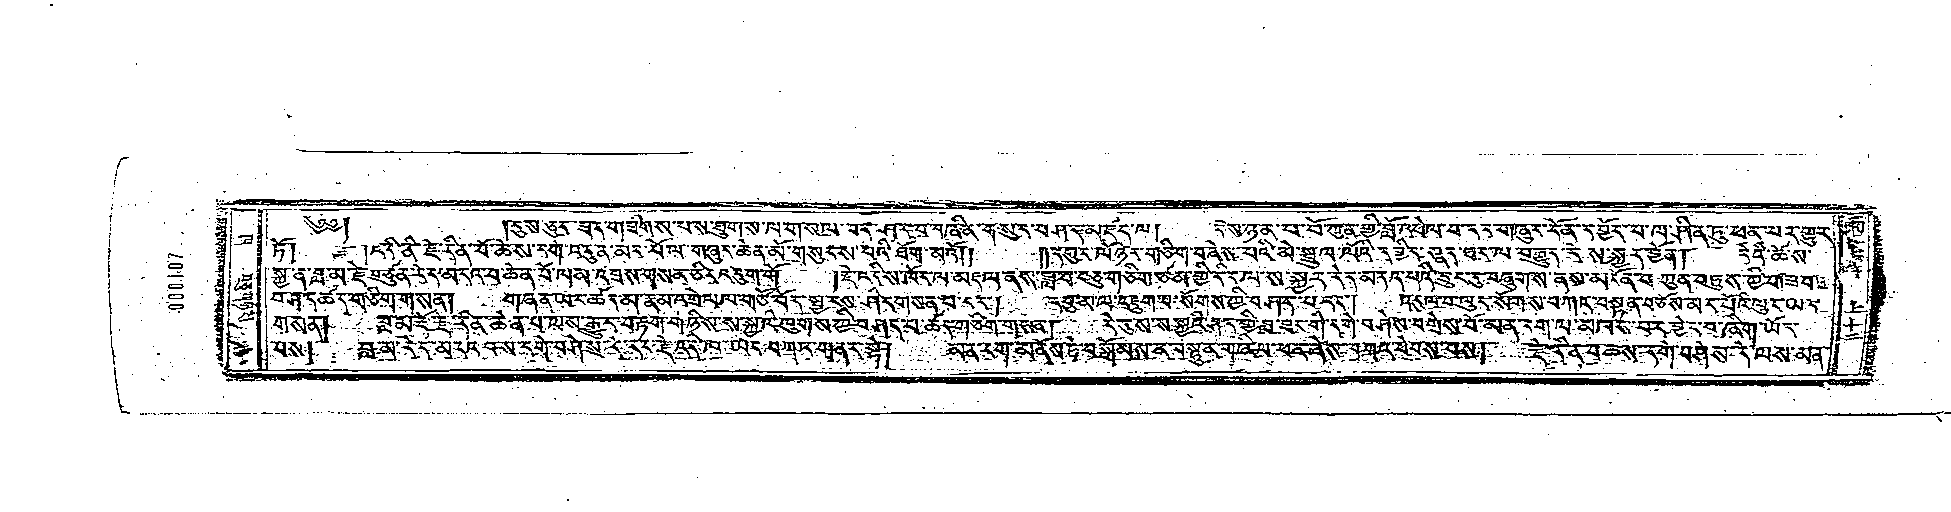༄༅། །དུས་ཅུང་ཟད་གཟིགས་པས་ཐུགས་ལ་གསལ་བར་ཤར་བ་བཞིན་གསུང་བཤད་མཛད་ལ། དེས་ཉན་པ་པོ་ཀུན་གྱི་བློ་འཕེལ་བ་རང་གཞུང་དོན་དཔྱོད་པ་ལ་ཤིན་ཏུ་ཕན་པར་གྱུར་
ཏོ། །འདི་ནི་རྗེ་རིན་པོ་ཆེས་དགེ་འདུན་མང་པོ་ལ་གཞུང་ཆེན་མོ་གསུངས་པའི་ཐོག་མའོ།། །།དགུང་ལོ་ཉེར་གཅིག་བཞེས་པའི་མེ་སྤྲུལ་ལོའི་དབྱིད་སྣར་ཐང་ལ་བརྒྱུད་དེས་སྐྱར་བྱོན། དེའི་ཚེས་
སྐྱ་ན་བླ་མ་རྗེ་བཙུན་རེད་མདའ་བ་ཆེན་པོ་ལམ་འབྲས་གསན་ཅིང་འདུག་གོ །རྗེ་འདིས་ཁོང་ལ་མཇལ་ནས་ཟླ་བ་བཅུ་གཅིག་ཙམ་གྱི་རིང་ལ་ས་སྐྱར་དེད་མདའ་པའི་དྲུང་དུ་བཞུགས་ནས་མངོན་བ་ཀུན་བཏུས་ཀྱི་གཟབ་
བཤད་ཚད་གཅིག་གསན། གཞན་ཡང་ཚད་མ་རྣམ་འགྲེལ་ལ་གཙོ་བོར་སྦྱངས་ཤིང་གསན་བ་དང་། དབུམ་ལ་འཇུག་པ་སོགས་ཀྱི་བཤད་པ་དང་། འདུལ་བ་ལུང་སོགས་སུ་བཀའ་བསྟན་བཅོས་མང་པོའི་ལུང་ཡང་
གསན། བླ་མ་རྡོ་རྗེ་རིན་ཆེན་པ་ལས་རྒྱུད་བརྟག་གཉིས་ས་སྐྱའི་ཁུགས་ཀྱི་བཤད་པ་ཚར་གཅིག་གསན། དེ་དུས་ས་སྐྱའི་ཤར་གྱི་བླ་བྲང་གི་དགེ་བཤེས་བགྲེས་བོ་མན་ངག་ལ་མཁས་བར་བྱེད་པ་ཞིག་ཡོད་
པས། བླ་མ་རེད་མདའ་པས་དགེ་བཤེས་དེ་དང་རྗེ་འདི་ལ་ཡང་བཀའ་གནང་སྟེ། མན་ངག་མནོས་ཏེ་བསྒོམས་ན་བསྙུན་གཞི་ལ་ཕན་ཞེས་བཀའ་ཕེབས་བས། རྗེ་རིན་པོ་ཆེས་དགེ་བཤེས་དེ་ལས་མན་